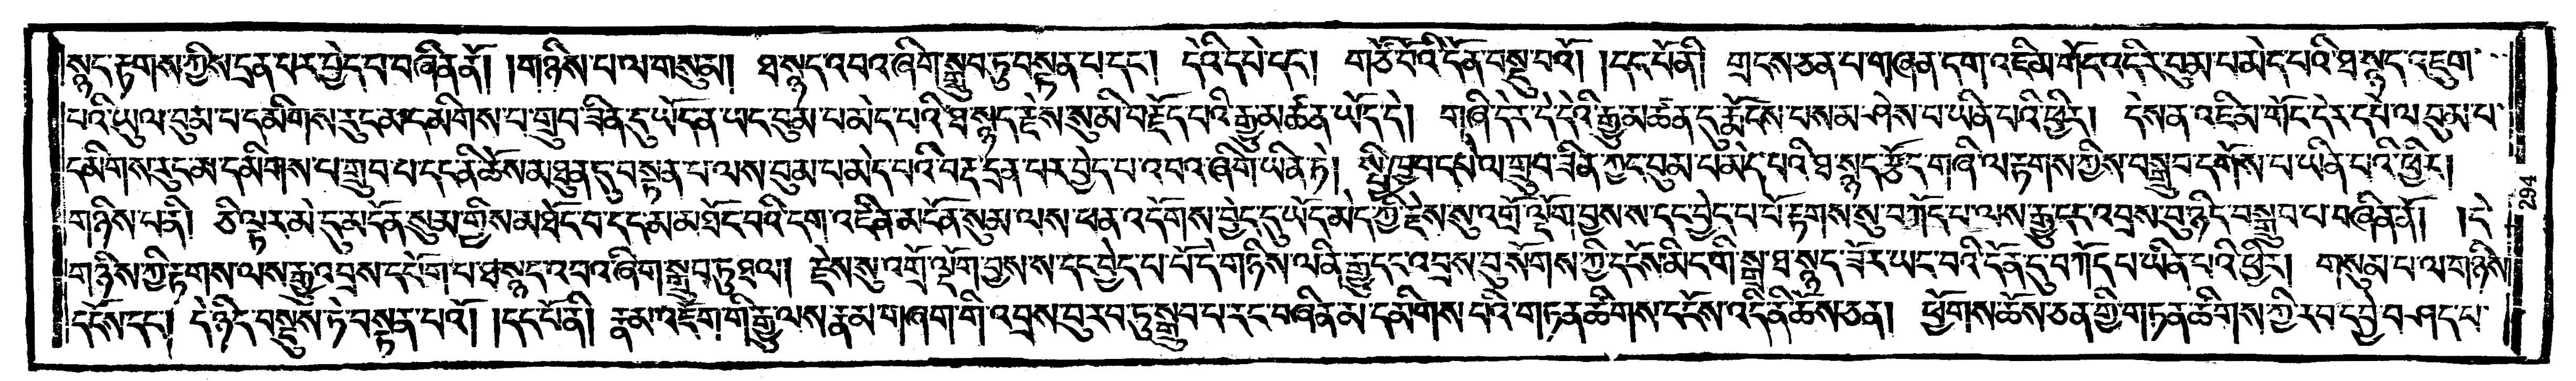སྙད་རྟགས་ཀྱིས་དྲན་པར་བྱེད་པ་བཞིན་ནོ། །གཉིས་པ་ལ་གསུམ། ཐ་སྙད་འབའ་ཞིག་སྒྲུབ་ཏུ་བསྟན་པ་དང་། དེའི་དཔེ་དང་། གཙོ་བོའི་དོན་བསྡུ་བའོ། །དང་པོ་ནི། གྲངས་ཅན་པ་གཞན་དག་འཇིམ་གོང་འདིར་བུམ་པ་མེད་པའི་ཐ་སྙད་འཇུག་
པའི་ཡུལ་བུམ་པ་དམིགས་རུང་མ་དམིགས་པ་གྲུབ་ཟིན་དུ་ཡོད་ན་ཡང་བུམ་པ་མེད་པའི་ཐ་སྙད་རྗེས་སུ་མི་བརྗོད་པའི་རྒྱུ་མཚན་ཡོད་དེ། གཞི་དེར་དེ་དེའི་རྒྱུ་མཚན་དུ་རྨོངས་པས་མ་ཤེས་པ་ཡིན་པའི་ཕྱིར། དེས་ན་འཇིམ་གོང་དེར་དཔེ་ལ་བུམ་པ་
དམིགས་རུང་མ་དམིགས་པ་གྲུབ་པ་དང་ནི་ཆོས་མཐུན་དུ་བསྟན་པ་ལས་བུམ་པ་མེད་པའི་བརྡ་དྲན་པར་བྱེད་པ་འབའ་ཞིག་ཡིན་ཏེ། སྤྱི་ཁྱབ་དཔེལ་གྲུབ་ཟིན་ཀྱང་བུམ་པ་མེད་པའི་ཐ་སྙད་རྩོད་གཟི་ལ་རྟགས་ཀྱིས་བསྒྲུབ་དགོས་པ་ཡིན་པ་ཕྱིར།
གཉིས་པ་ནི། ཅི་ལྟར་མེ་དུ་མདོན་སུམ་གྱིས་མཐོང་བ་དད་མ་མཐོང་བའི་དག་འཛིན་མངོན་སུམ་ལས་ཕན་འདོགས་བྱེད་དུ་ཡོད་མེད་ཀྱི་རྗེས་སུ་འགྲོ་ལྡོག་བྱས་ས་དང་བྱེད་པ་པོ་རྟགས་སུ་བཀོད་པ་ལས་རྒྱུ་དང་འབྲས་བུ་ཉིད་བསྒྲུབ་པ་བཞིན་ནོ། །དེ་
གཉིས་ཀྱི་རྟགས་ལས་རྒྱུ་འབྲས་དཔོག་པ་ཐ་སྙད་འབའ་ཞིག་སྒྲུབ་ཏུ་ཐལ། རྗེས་སུ་འགྲོ་ལྡོག་བྱས་ས་དང་བྱེད་པ་པོ་དེ་གཉིས་ལ་ནི་རྒྱུ་དང་འབྲས་བུ་སོགས་ཀྱི་དངོས་མིང་གི་སྒྲ་ཐ་སྙད་ཟོར་ཡང་བའི་དོན་དུ་བཀོད་པ་ཡིན་པའི་ཕྱིར། གསུམ་པ་ལ་གཉིས་
དངོས་དང་། དེ་ཉིད་བསྡུས་ཏེ་བསྟན་པའོ། །དང་པོ་ནི། རྣམ་འཇོག་གི་རྒྱུ་ལས་རྣམ་གཞག་གི་འབྲས་བུ་རབ་ཏུ་སྒྲུབ་པ་རང་བཞིན་མ་དམིགས་པའི་གཏན་ཚིགས་དངོས་འདི་ནི་ཆོས་ཅན། ཕྱོགས་ཆོས་ཅན་གྱི་གཏན་ཚིགས་ཀྱི་རབ་དབྱེ་བཤད་པ་